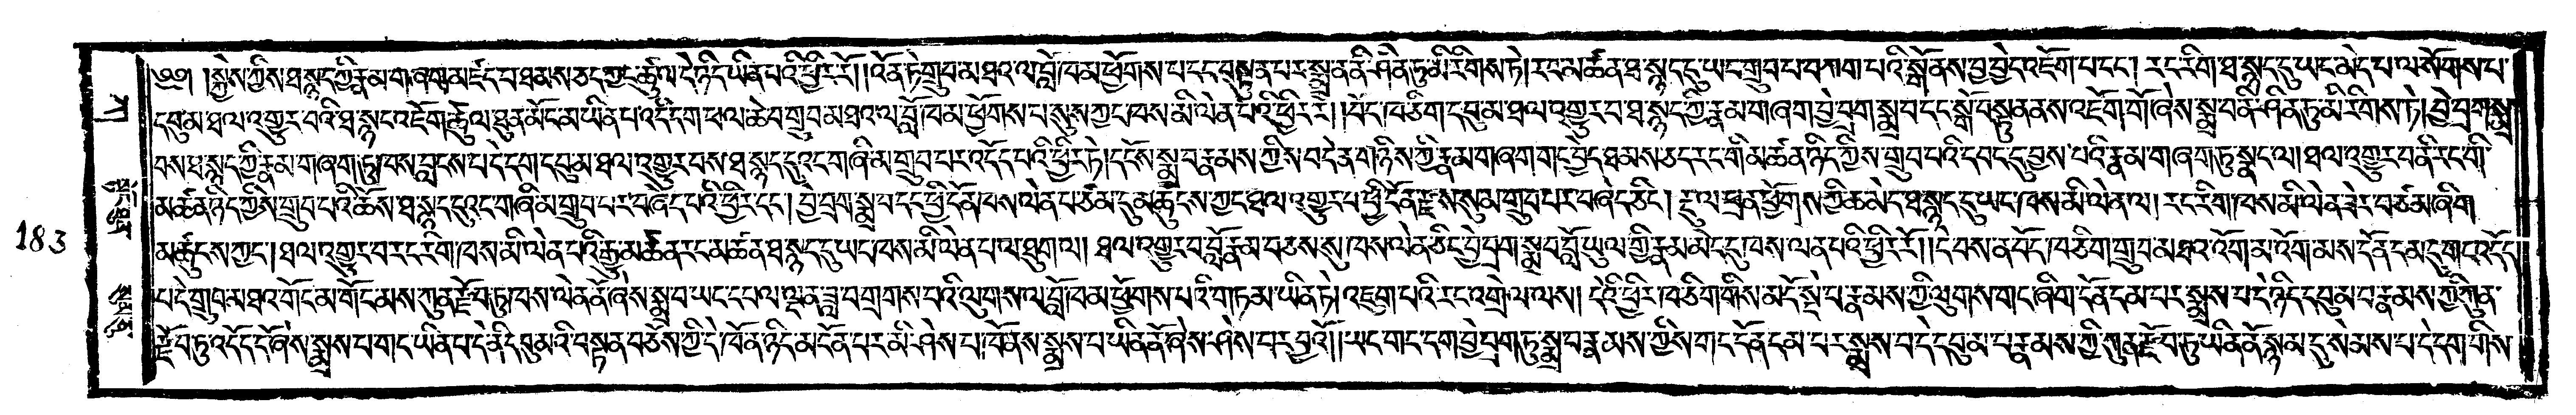༄༅། །སྐྱེས་ཀྱིས་ཐ་སྙད་ཀྱི་རྣམ་གཞག་མཛད་པ་ཐམས་ཅད་ཀྱང་ཚུལ་དེ་ཉིད་ཡིན་པའི་ཕྱིར་རོ། །འོན་ཏེ་གྲུབ་མཐའ་ལ་བློ་ཁམ་ཕྱོགས་པ་དང་བསྟུན་པར་སྨྲ་ན་ནི་ཤིན་ཏུ་མི་རིགས་ཏེ། རང་མཚན་ཐ་སྙད་དུ་ཡང་གྲུབ་པ་བཀག་པའི་སྒོ་ནས་བྱ་བྱེད་འཇོག་པ་དང་། རང་རིག་ཐ་སྙད་དུ་ཡང་མེད་པ་ལ་སོགས་པ་
དབུ་མ་ཐལ་འགྱུར་བའི་ཐ་སྙད་འཇོག་ཚུལ་ཐུན་མོང་མ་ཡིན་པ་འདི་དག་ཕལ་ཆེ་བ་གྲུབ་མཐའ་ལ་བློ་ཁ་མ་ཕྱོགས་པ་སུས་ཀྱང་ཁས་མི་ལེན་པའི་ཕྱིར་རོ། །བོད་ཁ་ཅིག་དབུ་མ་ཐལ་འགྱུར་བ་ཐ་སྙད་ཀྱི་རྣམ་གཞག་བྱེ་བྲག་སྨྲ་བ་དང་སྒོ་བསྟུན་ནས་འཇོག་གོ་ཞེས་སྨྲ་བ་ནི་ཤིན་ཏུ་མི་རིགས་ཏེ། བྱེ་བྲག་སྨྲ་
བས་ཐ་སྙད་ཀྱི་རྣམ་གཞག་ཏུ་ཁས་བླངས་པ་དེ་དག་དབུ་མ་ཐལ་འགྱུར་བས་ཐ་སྙད་དུའང་གཞི་མ་གྲུབ་པར་འདོད་པའི་ཕྱིར་ཏེ། དངོས་སྨྲ་བ་རྣམས་ཀྱིས་བདེན་གཉིས་ཀྱི་རྣམ་གཞག་གང་བྱེད་ཐམས་ཅད་རང་གི་མཚན་ཉིད་ཀྱིས་གྲུབ་པའི་དབང་དུ་བྱས་པའི་རྣམ་གཞག་ཏུ་སྣང་ལ། ཐལ་འགྱུར་བ་ནི་རང་གི་
མཚན་ཉིད་ཀྱིས་གྲུབ་པའི་ཆོས་ཐ་སྙད་དུའང་གཞི་མ་གྲུབ་པར་བཞེད་པའི་ཕྱིར་དང་། བྱེ་བྲག་སྨྲ་བ་དང་ཕྱི་དོན་ཁས་ལེན་པ་ཙམ་དུ་མཚུངས་ཀྱང་ཐལ་འགྱུར་བ་ཕྱི་དོན་རྫས་སུ་མ་གྲུབ་པར་བཞེད་ཅིང་། རྡུལ་ཕྲན་ཕྱོགས་ཀྱི་ཆ་མེད་ཐ་སྙད་དུ་ཡང་ཁས་མི་ལེན་ལ། རང་རིག་ཁས་མི་ལེན་ཟེར་བ་ཙམ་ཞིག་
མཚུངས་ཀྱང་། ཐལ་འགྱུར་བ་རང་རིག་ཁས་མི་ལེན་པའི་རྒྱུ་མཚན་རང་མཚན་ཐ་སྙད་དུ་ཡང་ཁས་མི་ལེན་པ་ལ་ཐུག་ལ། ཐལ་འགྱུར་བ་བློ་རྣམ་བཅས་སུ་ཁས་ལེན་ཅིང་བྱེ་བྲག་སྨྲ་བ་བློ་ཡུལ་གྱི་རྣམ་མེད་དུ་ཁས་ལེན་པའི་ཕྱིར་རོ། །དེ་བས་ན་བོད་ཁ་ཅིག་གྲུབ་མཐའ་འོག་མ་འོག་མས་དོན་དམ་དུ་གང་འདོད་
པ་དེ་གྲུབ་མཐའ་གོང་མ་གོང་མས་ཀུན་རྫོབ་ཏུ་ཁས་ལེན་ནོ་ཞེས་སྨྲ་བ་ཡང་དཔལ་ལྡན་ཟླ་བ་གྲགས་པའི་ལུགས་ལ་བློ་ཁམ་ཕྱོགས་པའི་གཏམ་ཡིན་ཏེ། འཇུག་པའི་རང་འགྲེལ་ལས། དེའི་ཕྱིར་ཁ་ཅིག་གིས་མདོ་སྡེ་བ་རྣམས་ཀྱི་ལུགས་གང་ཞིག་དོན་དམ་པར་སྨྲས་པ་དེ་ཉིད་དབུ་མ་པ་རྣམས་ཀྱི་ཀུན་
རྫོབ་ཏུ་འདོད་དོ་ཞེས་སྨྲས་པ་གང་ཡིན་བ་དེ་ནི་དབུ་མའི་བསྟན་བཅོས་ཀྱི་དེ་ཁོ་ན་ཉིད་མངོན་པར་མི་ཤེས་པ་ཁོ་ནས་སྨྲས་པ་ཡིན་ནོ་ཞེས་ཤེས་པར་བྱའོ། །ཡང་གང་དག་བྱེ་བྲག་ཏུ་སྨྲ་བ་རྣམས་ཀྱིས་གང་དོན་དམ་པར་སྨྲས་པ་དེ་དབུ་མ་པ་རྣམས་ཀྱི་ཀུན་རྫོབ་ཏུ་ཡིན་ནོ་སྙམ་དུ་སེམས་པ་དེ་དག་གིས་